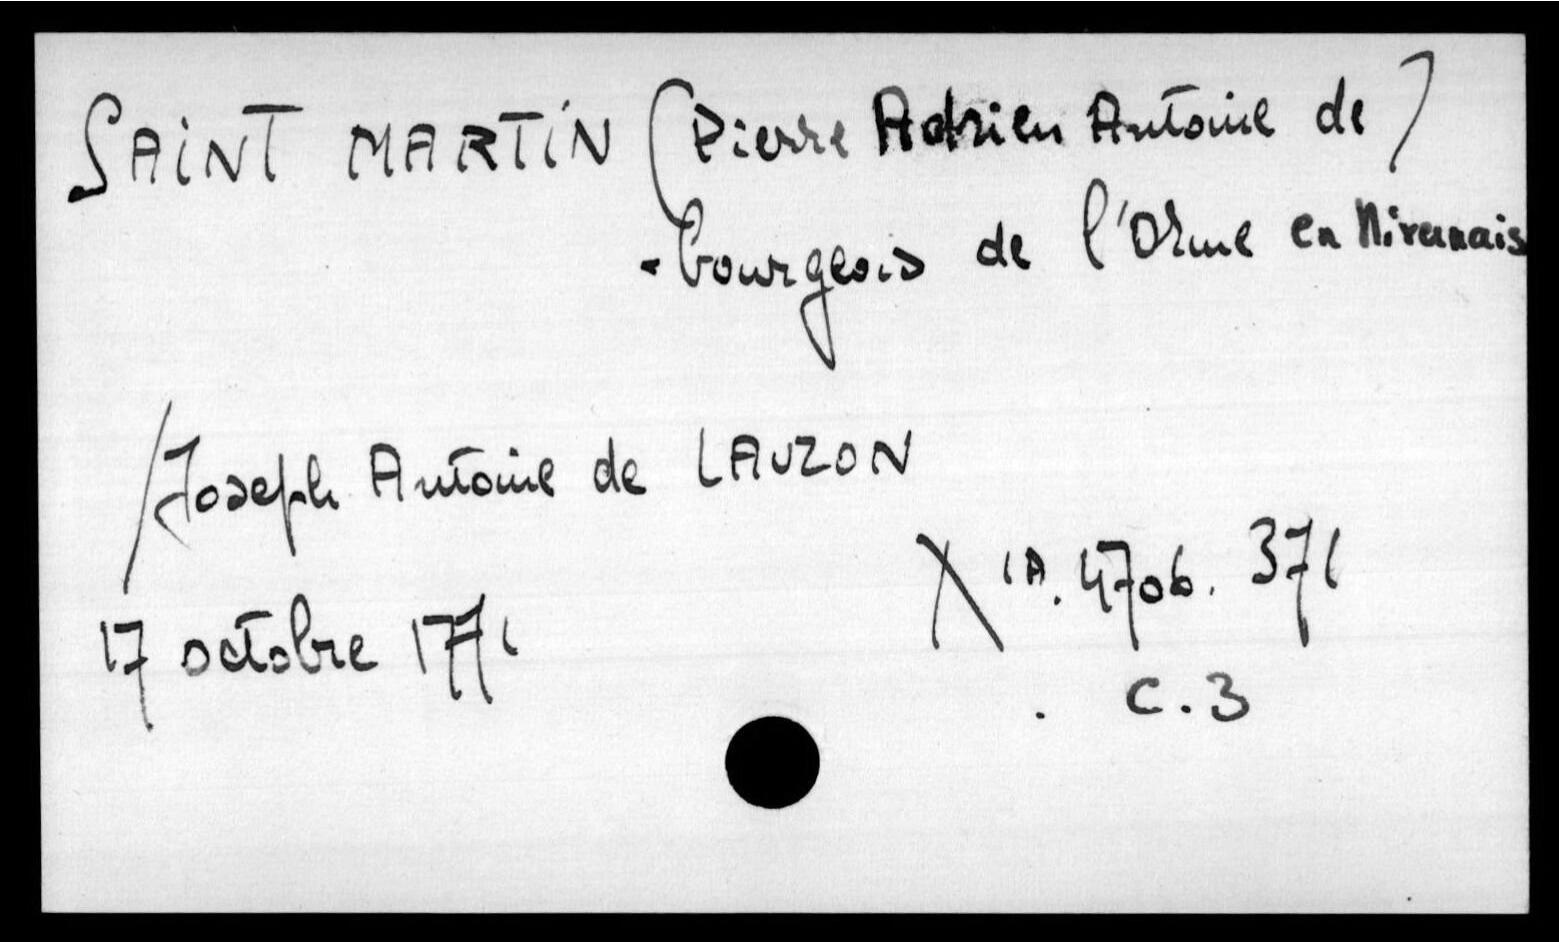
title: AINT MARTIN (Pierre Adrien Antoine de) bourgeois de l'Orme en Nivernais
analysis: Contre Joseph Antoine de LAUZON
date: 17 octobre 1771
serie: X1A
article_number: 4706
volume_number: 371 Conseil 3
